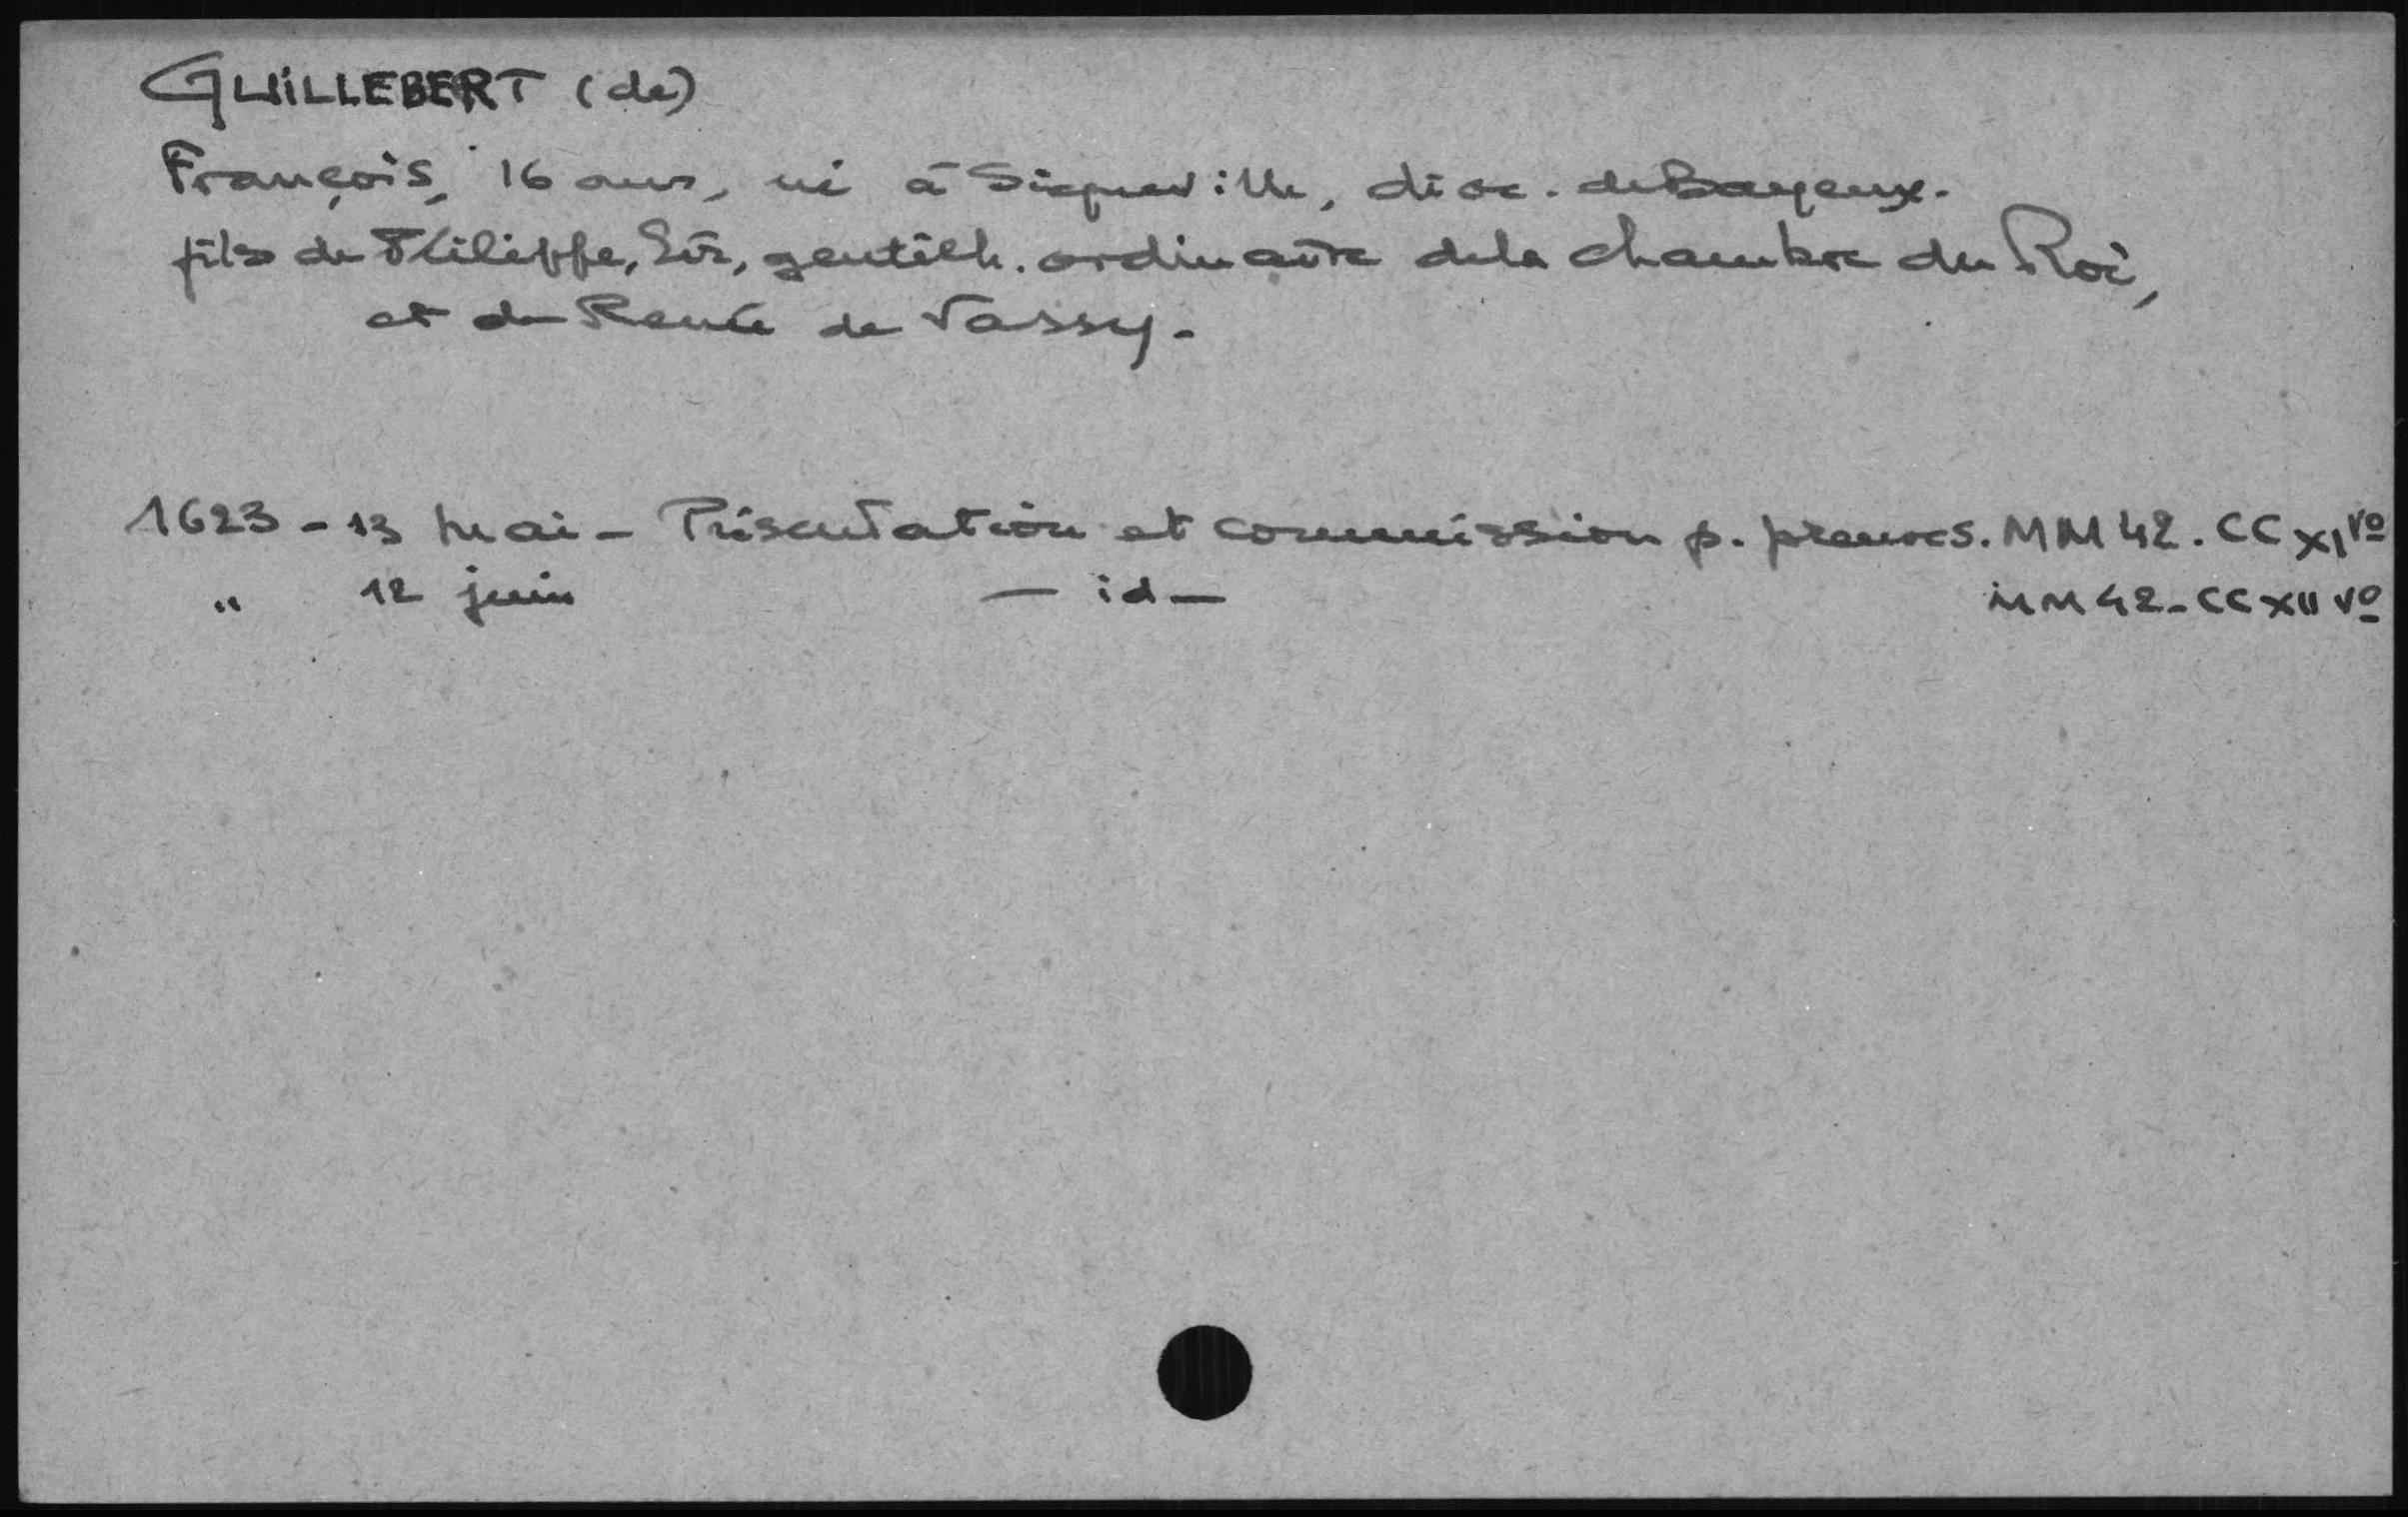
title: GUILLEBERT (de) François, 16 ans, né à Siqueville, diocèse de Bayeux, fils de Philippe, écuyer, gentilhomme ordinaire de la chambre du Roi, et de Renée de Vassy.
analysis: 1623, 13 mai. Présentation et commission pour preuves. MM 42, CCXIv " 12 juin -id- MM 42, CCXIIv
